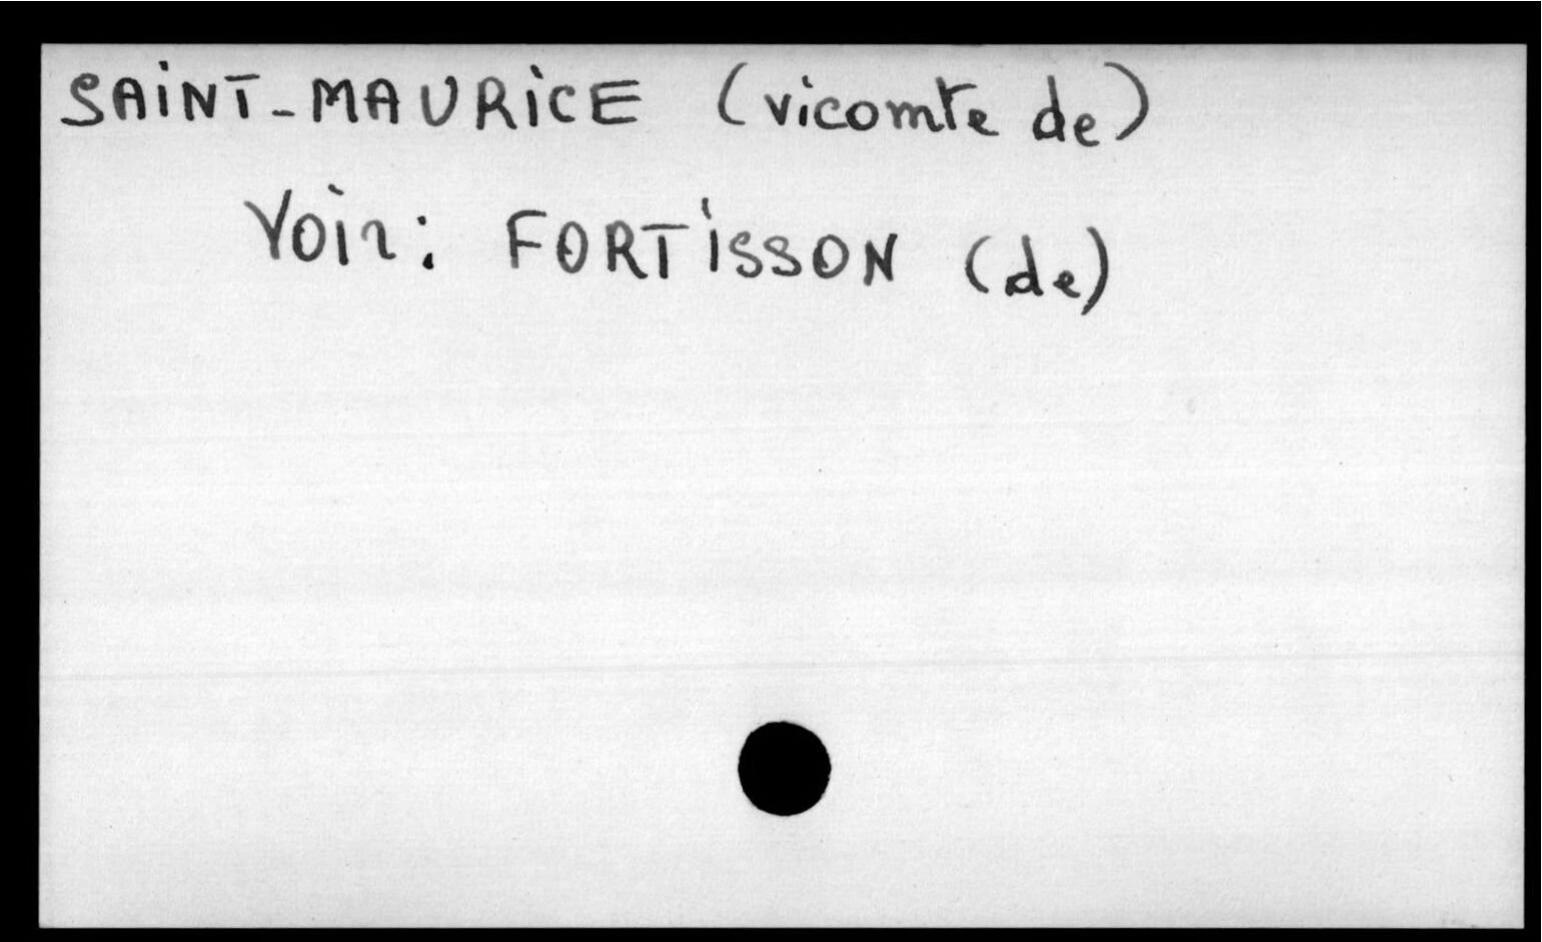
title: SAINT-MAURICE (Vicomte de)
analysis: Voir : FORTISSON (de)
